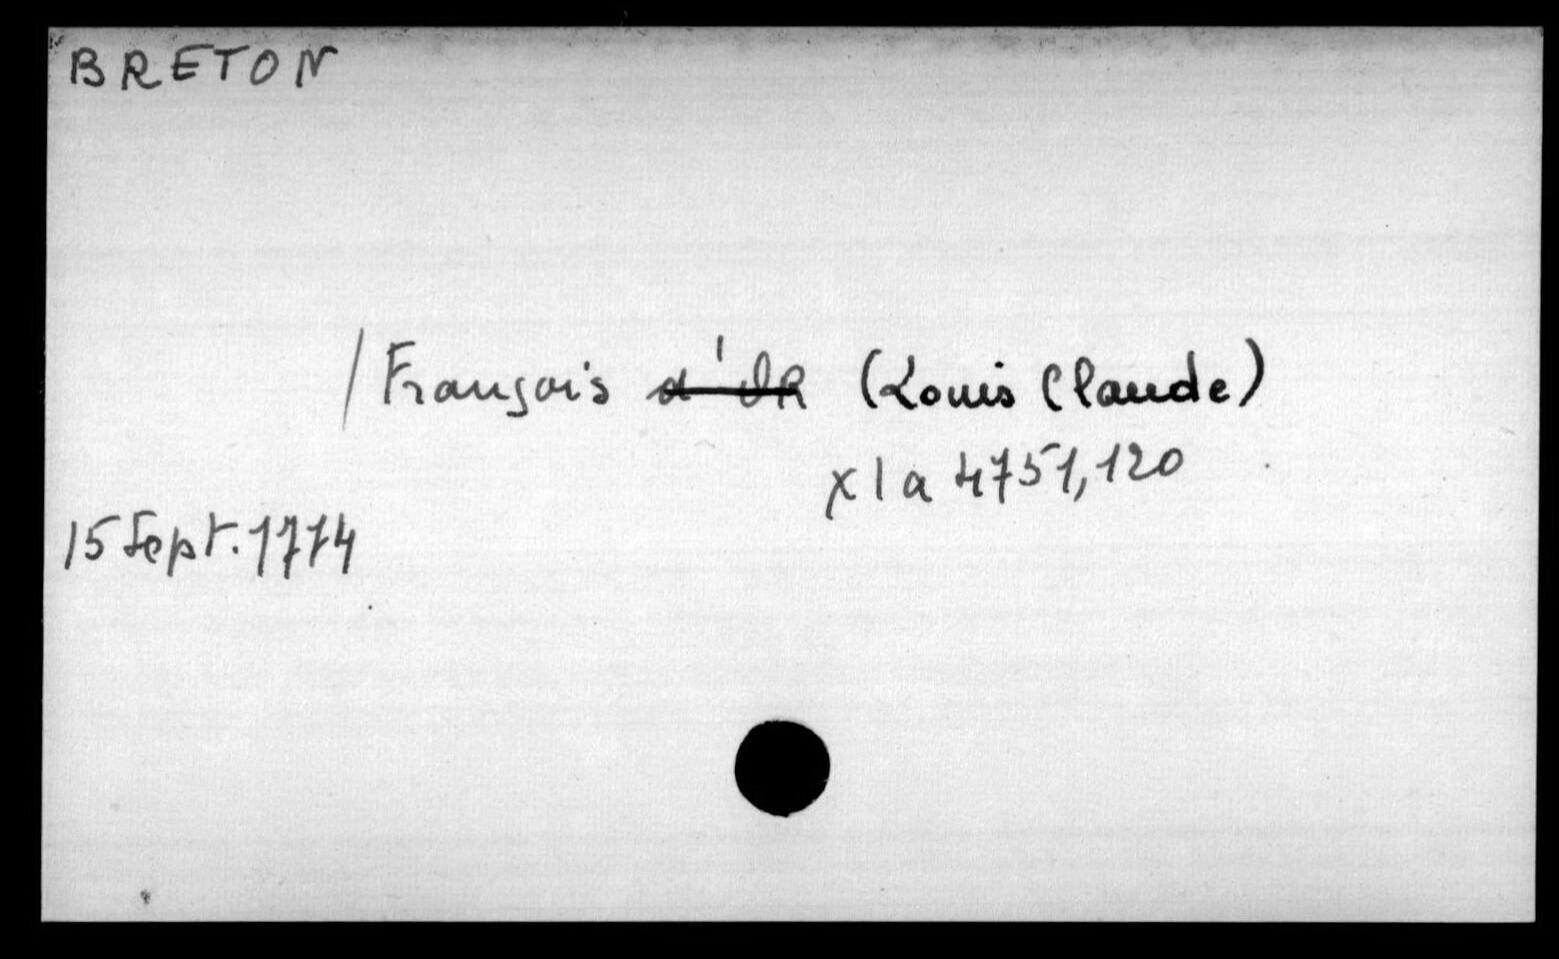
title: BRETON
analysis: Contre François (Louis Claude)
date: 15 septembre 1774
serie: X1a
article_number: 4751
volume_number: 120
